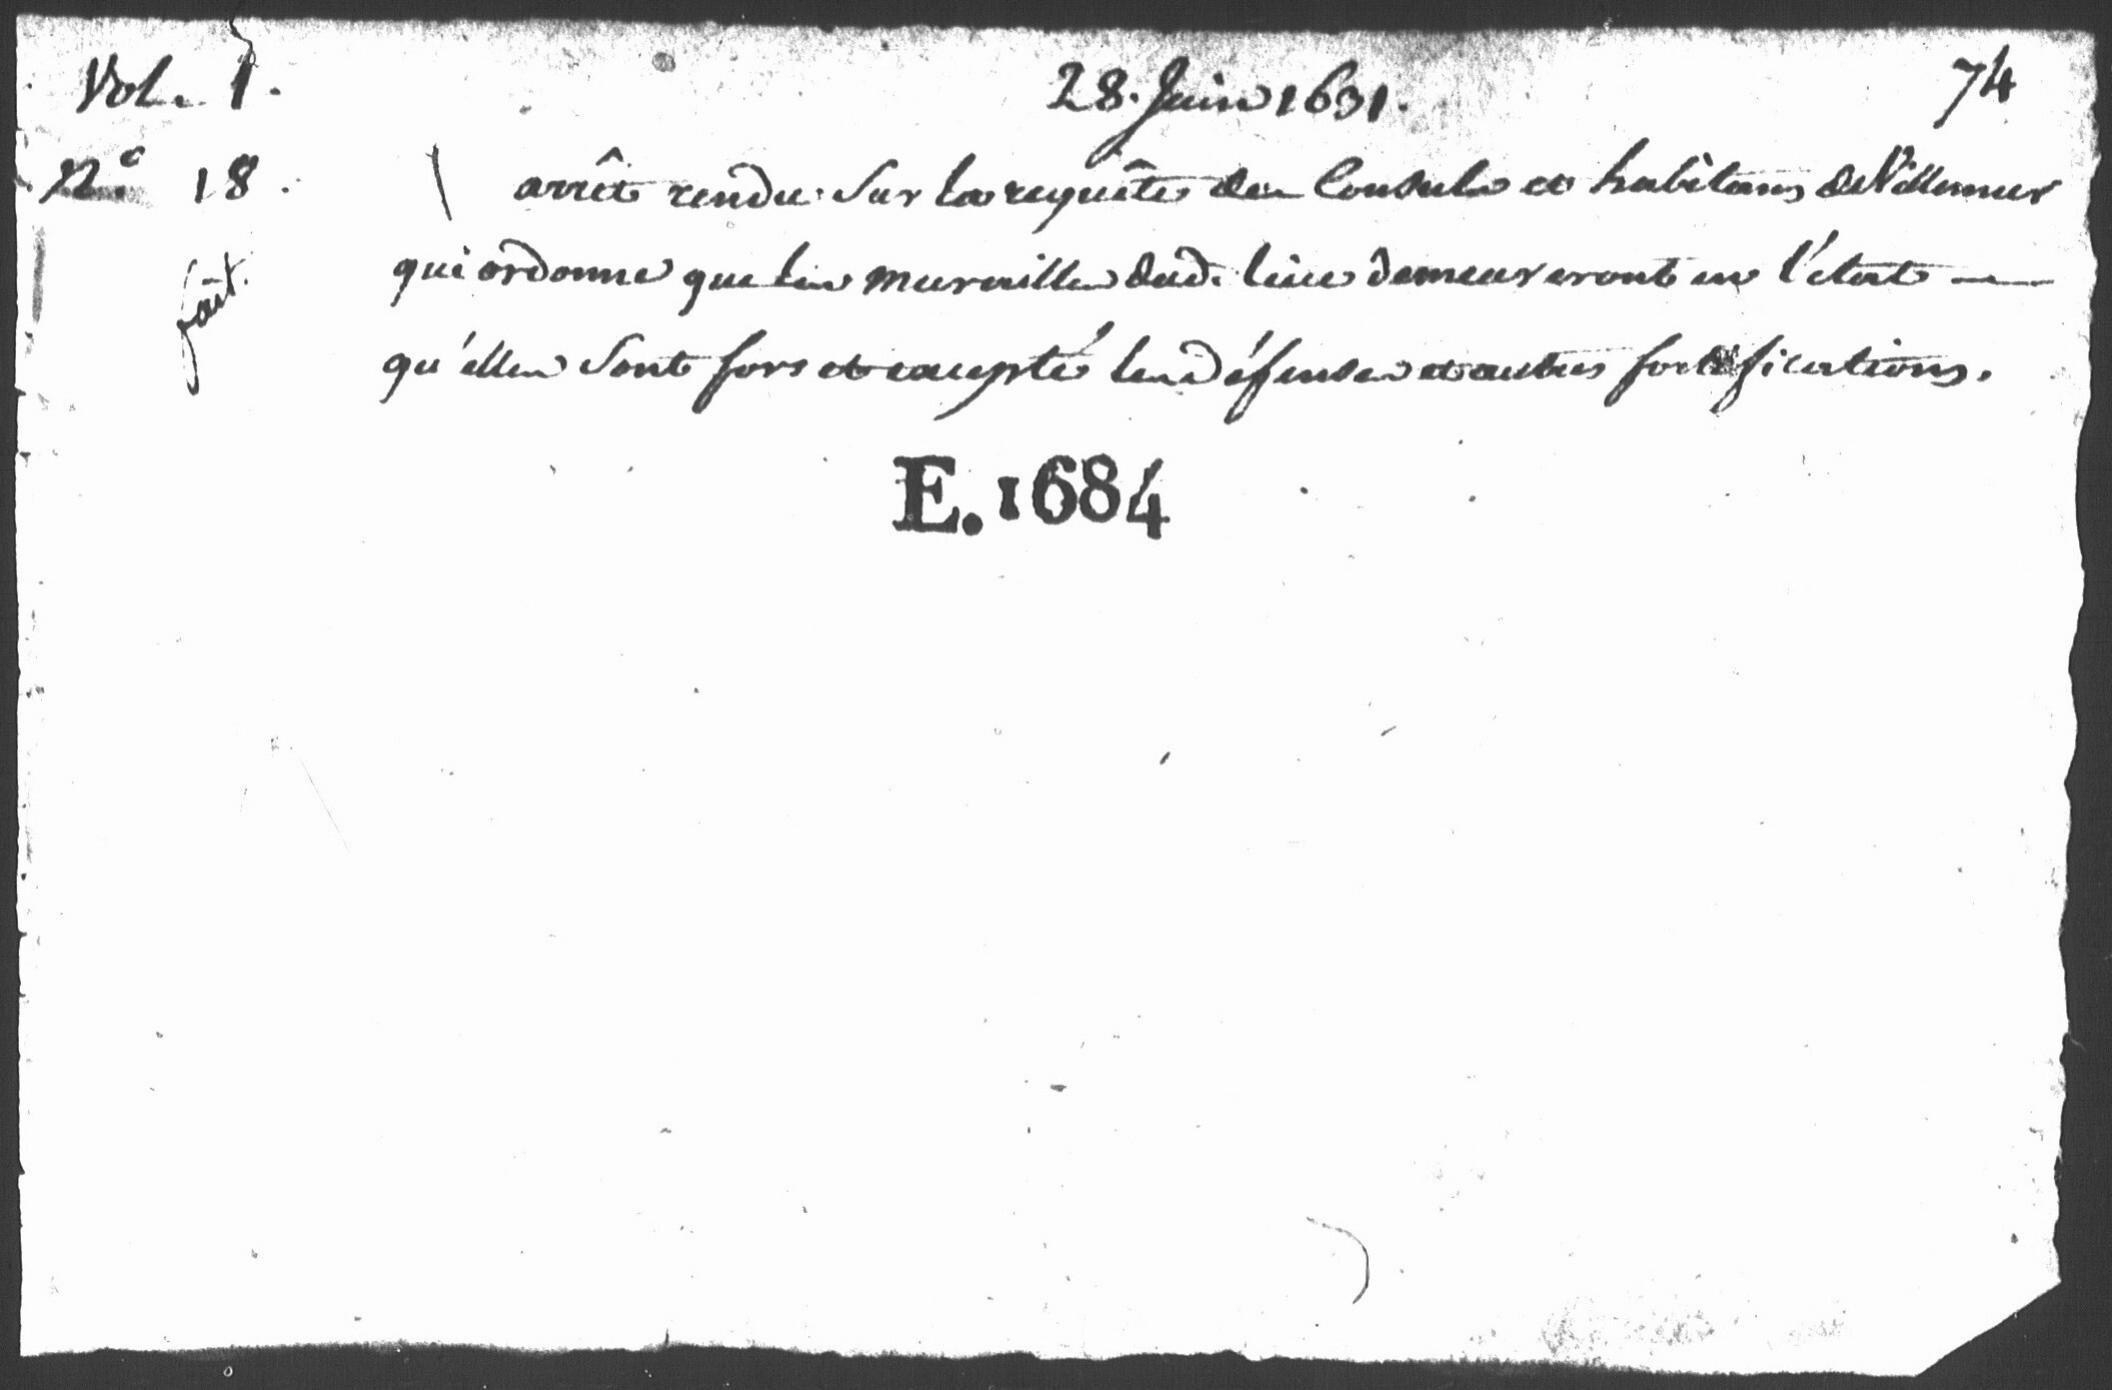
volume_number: n°18
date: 28 juin 1631
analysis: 74
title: arrêt rendu sur la requête des Consuls et habitans de Villemur qui ordonne que les murailles dud. lieu demeureront en l'etat qu'elles sont fors et excepté les défenses et autres fortifications.
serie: E
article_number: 1684
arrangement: vol. 1
